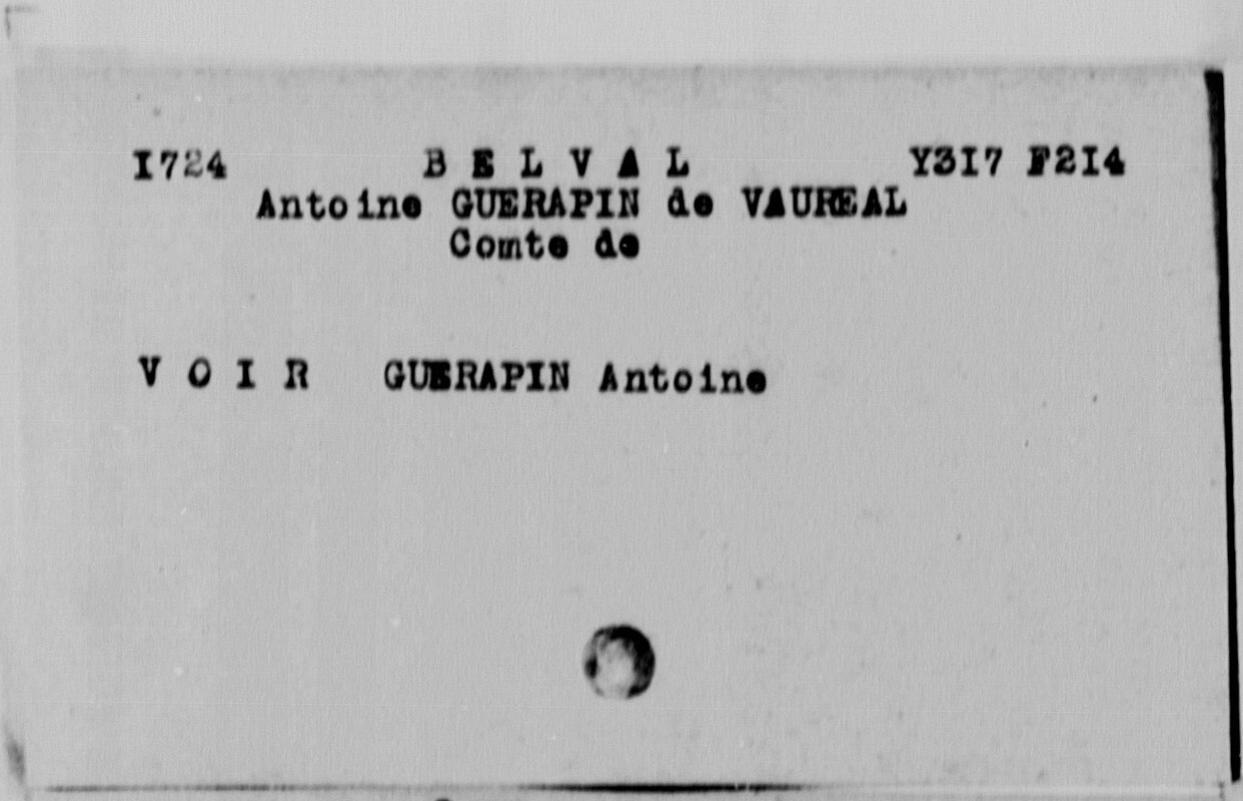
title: BELVAL (Antoine GUERAPIN de VAUREAL, comte de)
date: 1724
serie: Y
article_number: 317
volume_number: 214
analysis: Voir GUERAPIN Antoine
